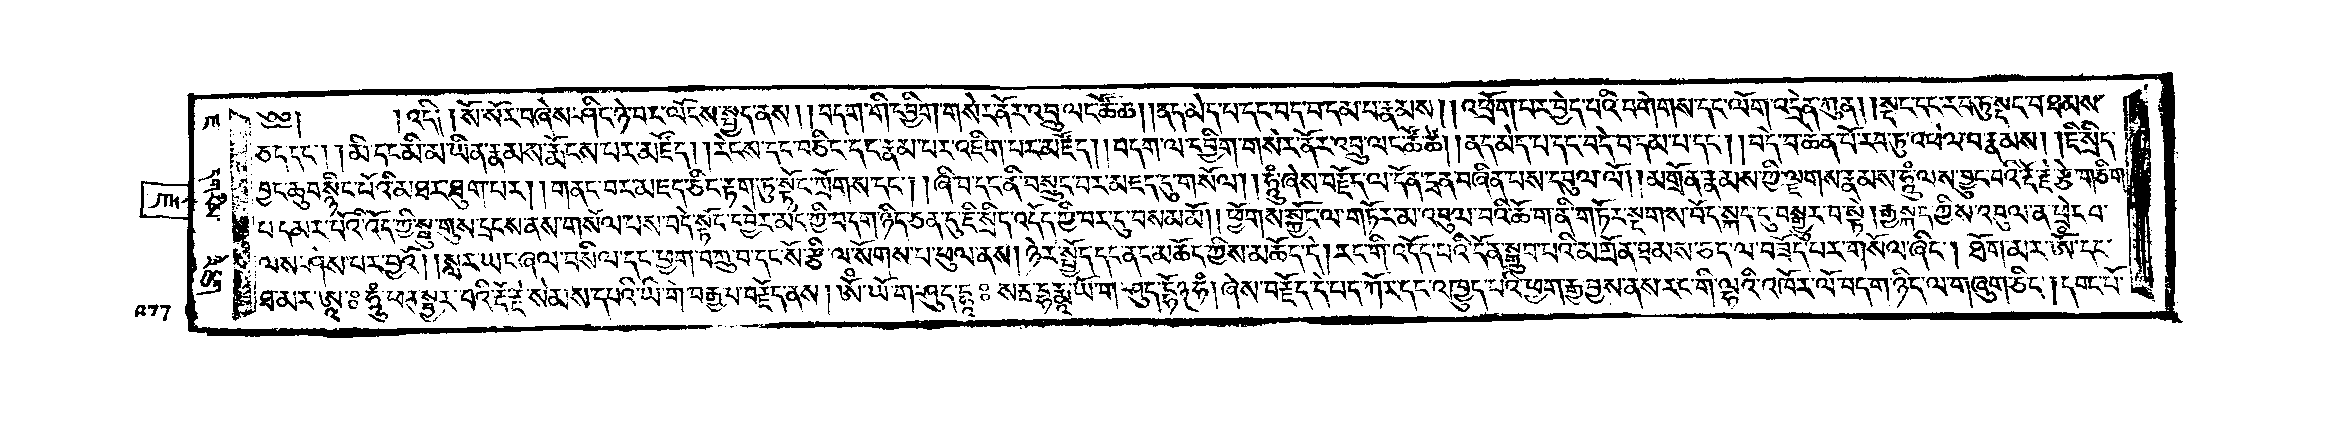༄༅། །འདི༑ ༑སོ་སོར་བཞེས་ཤིང་ཉེ་བར་ལོངས་སྤྱད་ནས། །བདག་གི་དབྱིག་གསེར་ནོར་འབྲུ་ལང་ཚོ་ཆ། །ནད་མེད་པ་དང་བད་བ་དམ་པ་རྣམས། །འཕྲོག་པར་བྱེད་པའི་བགེགས་དང་ལོག་འདྲེན་ཀུན། །སྡང་དང་རབ་ཏུ་སྡང་བ་ཐམས་
ཅད་དང་། །མི་དང་མི་མ་ཡིན་རྣམས་རྨོངས་པར་མཛོད། །རེངས་དང་བཅིང་དང་རྣམ་པར་འཇིག་པར་མཛོད། །བདག་ལ་དབྱིག་གསེར་ནོར་འབྲུ་ལང་ཚོ་ཚེ། །ནད་མེད་པ་དང་བདེ་བ་དམ་པ་དང་། །བདེ་བ་ཆེན་པོ་རབ་ཏུ་འཕེལ་བ་རྣམས། །ཇི་སྲིད་
བྱང་ཆུབ་སྙིང་པོའི་མཐར་ཐུག་པར། །གནང་བར་མཛད་ཅིང་རྟག་ཏུ་སྟོང་ཀྲོགས་དང་། །ཞི་བ་དང་ནི་བསྲུང་བར་མཛད་དུ་གསོལ། །ཧཱུཾ་ཞེས་བརྗོད་ལ་དོན་དྲན་བཞིན་པས་དབུལ་ལོ། །མགྲོན་རྣམས་ཀྱི་ལྗགས་རྣམས་ཧཱུཾ་ལས་བྱུང་བའི་རྡོ་རྗེ་རྩེ་གཅིག་
པ་དམར་པོའི་འོད་ཀྱི་སྦུ་གུས་དྲངས་ནས་གསོལ་པས་བདེ་སྟོང་དབྱེར་མེད་ཀྱི་བདག་ཉིད་ཅན་དུ་ཇི་སྲིད་འདོད་ཀྱི་བར་དུ་བསམ་མོ། །ཕྱོགས་སྐྱོང་ལ་གཏོར་མ་འབུལ་བའི་ཆོ་ག་ནི་གཏོར་སྔགས་བོད་སྐད་དུ་བསྒྱུར་བ་སྟེ། རྒྱ་སྐད་ཀྱིས་འབུལ་ན་ཕྲེང་བ་
ལས་ཤེས་པར་བྱའོ། །སླར་ཡང་ཞལ་བསིལ་དང་ཕྱག་བཀྲུ་བ་དང་སོ་རྩི་ལ་སོགས་པ་ཕུལ་ནས། ཉེར་སྤྱོད་དང་ནང་མཆོད་ཀྱིས་མཆོད་དེ། རང་གི་འདོད་པའི་དོན་སྒྲུབ་པའི་མགྲོན་ཐམས་ཅད་ལ་བཟོད་པར་གསོལ་ཞིང་། ཐོག་མར་ཨོཾ་དང་
ཐ་མར་ཨཱ་H ཧཱུཾ་ཕཊ་སྦྱར་བའི་རྡོ་རྗེ་སེམས་དཔའི་ཡི་གེ་བརྒྱ་པ་བརྗོད་ནས། ཨོཾ་ཡོ་ག་ཤུད་དྷཱཿ སརྦ་དྷརྨཱ་ཡོ་ག་ཤུད་དྷོཉ་ཧཾ། ཞེས་བརྗོད་དེ་པད་ཀོར་དང་འཁྱུད་པའི་ཕྱག་རྒྱ་བྱས་ནས་རང་གི་ལྷའི་འཁོར་ལོ་བདག་ཉིད་ལ་གཞུག་ཅིང་། དབང་པོ་